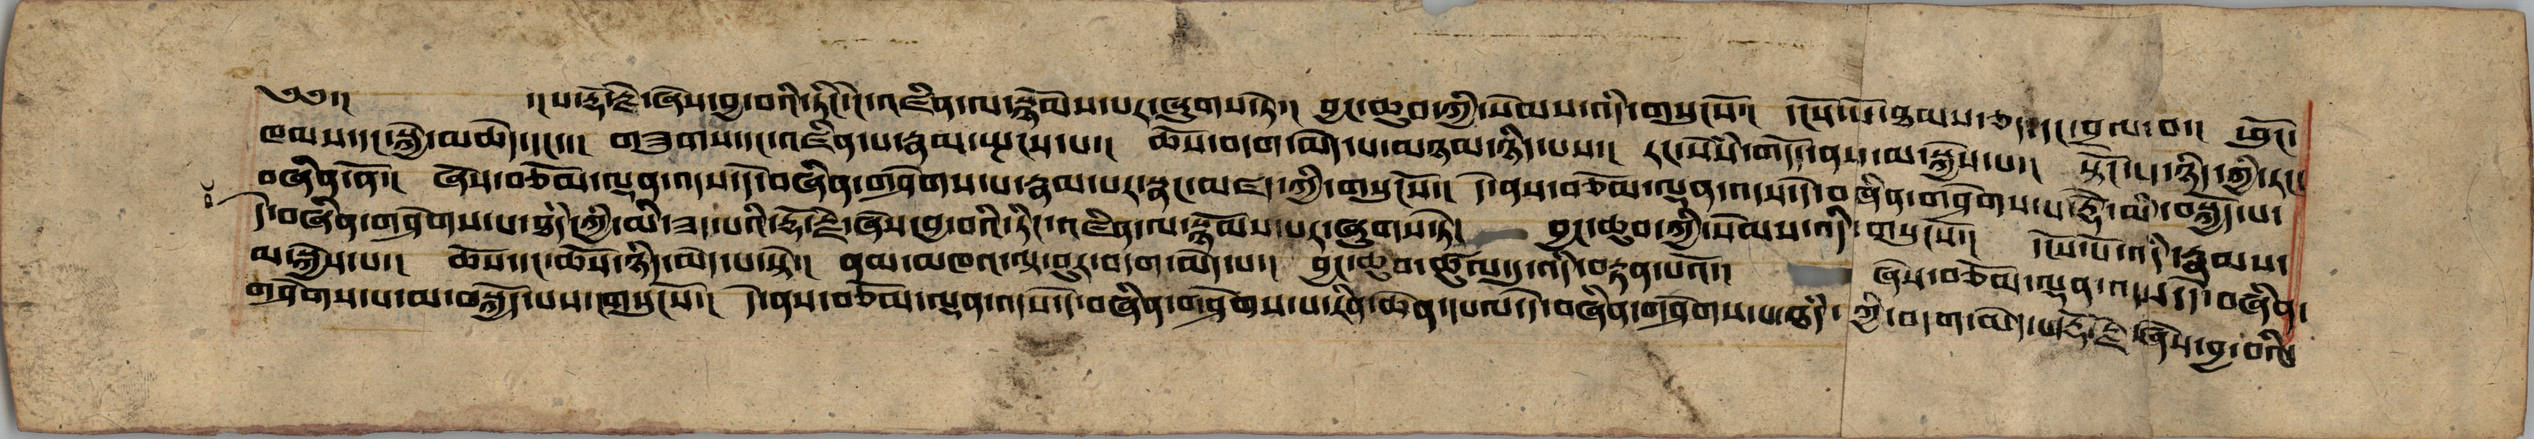༄༅་། ་།པ་རྡོ་རྗེ་ཞེས་བྱ་བའི་ཏིང་ངེ་འཛིན་ལ་སྙོམས་པར་ཞུགས་ཏེ་། བྱང་ཆུབ་ཀྱི་སེམས་འདི་གསུངསོ་། དངོས་པོ་ཐམས་ཅད་དང་བྲལ་བ་། ཕུངོ་
ཁམས་དང་སྐྱེ་མཆེད་དང་་། གཟུགས་དང་འཛིན་པ་རྣམ་སྤངས་པ་། ཆོས་བདག་མེད་པ་མཉམ་ཉིད་པས་། རང་སེསཾ་གདོད་ནས་མ་སྐྱེས་པ་། སྟོང་པ་ཉིད་ཀྱི་རང་
བཞིན་ནོ་། ཞེས་བཅོམ་ལྡན་འདས་དེ་བཞིན་གཤེགས་པ་རྣམ་པར་སྣང་མཛད་ཀྱི་གསུངསོ་། དེ་ནས་བཅོམ་ལྡན་འདས་དེ་བཞིན་གཤེགས་པ་རྡོེ་མི་བསྐྱོད་པ་
དེ་བཞིན་གཤེགས་པ་ཐཾད་ཀྱི་མི་ཟད་པའི་རྡོ་རྗེ་ཞེས་བྱ་བའི་ཏིང་འཛིན་ལ་སྙོམས་པར་ཞུགས་ཏེ་། བྱང་ཆུབ་ཀྱི་སེམས་འདི་གསུངསོ་། དངོས་པོ་འདི་རྣམས་
མ་སྐྱེས་པ་། ཆོས་དང་ཆོས་ཉིད་མེད་པ་སྟེ་། ནམ་མཁའ་ལྟ་བུར་བདག་མེད་པ་། བྱང་ཆུབ་ཚུལ་དུ་འདི་བརྟན་པའོ་། ཞེས་བཅོམ་ལྡན་འདས་དེ་བཞིན་
གཤེགས་པ་མ་བསྐྱོད་པས་གསུངསོ་། དེ་ནས་བཅོམ་ལྡན་འདས་དེ་བཞིན་གཤེགས་པ་རིན་ཆེན་དཔལ་དེ་བཞིན་གཤེགས་པ་ཐཾད་ཀྱི་བདག་མེད་པ་རྡོ་རྗེ་ཞེས་བྱ་བའི་